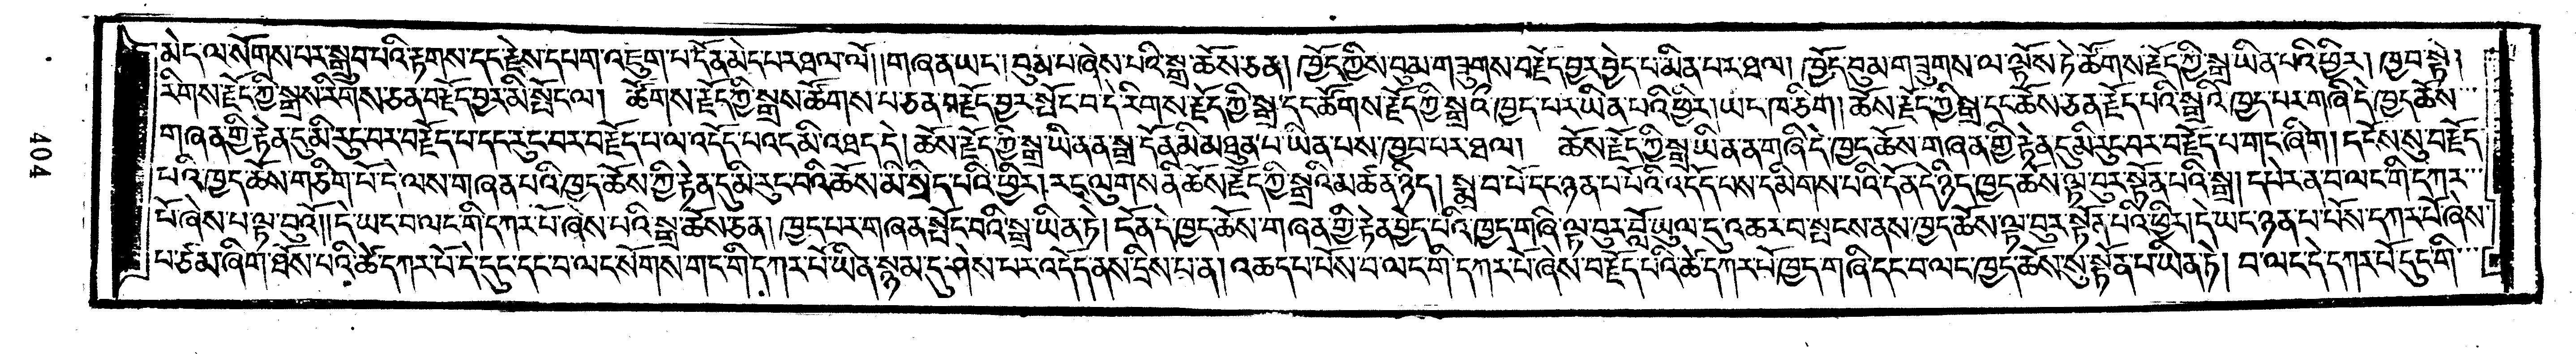མེད་ལ་སོགས་པར་སྒྲུབ་པའི་རྟགས་དང་རྗེས་དཔག་འཇུག་པ་དོན་མེད་པར་ཐལ་ལོ། །གཞན་ཡང་། བུམ་པ་ཞེས་པའི་སྒྲ་ཆོས་ཅན། ཁྱོད་ཀྱིས་བུམ་གཟུགས་བརྗོད་བྱར་བྱེད་པ་མིན་པར་ཐལ། ཁྱོད་བུམ་གཟུགས་ལ་ལྟོས་ཏེ་ཚོགས་རྗོད་ཀྱི་སྒྲ་ཡིན་པའི་ཕྱིར། ཁྱབ་སྟེ།
རིགས་རྗོད་ཀྱི་སྒྲས་རིགས་ཅན་བརྗོད་བྱར་མི་སྤོང་ལ། ཚོགས་རྗོད་ཀྱི་སྒྲས་ཚོགས་པ་ཅན་བརྗོད་བྱར་སྤོང་བ་དེ་རིགས་རྗོད་ཀྱི་སྒྲ་དང་ཚོགས་རྗོད་ཀྱི་སྒྲའི་ཁྱད་པར་ཡིན་པའི་ཕྱིར། ཡང་ཁ་ཅིག ། ཆོས་རྗོད་ཀྱི་སྒྲ་དང་ཆོས་ཅན་རྗོད་པའི་སྒྲའི་ཁྱད་པར་གཞི་དེ་ཁྱད་ཆོས་
གཞན་གྱི་རྟེན་དུ་མི་རུང་བར་བརྗོད་པ་དང་རུང་བར་བརྗོད་པ་ལ་འདོད་འང་མི་འཐད་དེ། ཆོས་རྗོད་ཀྱི་སྒྲ་ཡིན་ན་སྒྲ་དོན་མི་མཐུན་པ་ཡིན་པས་ཁྱབ་པར་ཐལ། ཆོས་རྗོད་ཀྱི་སྒྲ་ཡིན་ན་གཞི་དེ་ཁྱད་ཆོས་གཞན་གྱི་རྟེན་དུ་མི་རུང་བར་བརྗོད་པ་གང་ཞིག །དངོས་སུ་བརྗོད་
པའི་ཁྱད་ཆོས་གཅིག་པོ་དེ་ལས་གཞན་པའི་ཁྱད་ཆོས་ཀྱི་རྟེན་དུ་མི་རུང་བའི་ཆོས་མི་སྲིད་པའི་ཕྱིར། རང་ལུགས་ནི་ཆོས་རྗོད་ཀྱི་སྒྲའི་མཚན་ཉིད། སྨྲ་བ་པོ་དང་ཉན་པ་པོའི་འདོད་པས་དམིགས་པའི་དོན་དེ་ཉིད་ཁྱད་ཆོས་ལྟ་བུར་སྟོན་པའི་སྒྲ། དཔེར་ན་བ་ལང་གི་དཀར་
པོ་ཞེས་པ་ལྟ་བུའོ། །དེ་ཡང་བ་ལང་གི་དཀར་པོ་ཞེས་པའི་སྒྲ་ཆོས་ཅན། ཁྱད་པར་གཞན་སྤོང་བའི་སྒྲ་ཡིན་ཏེ། དོན་དེ་ཁྱད་ཆོས་གཞན་གྱི་རྟེན་བྱེད་པའི་ཁྱད་གཞི་ལྟ་བུར་བློ་ཡུལ་དུ་འཆར་བ་སྤངས་ནས་ཁྱད་ཆོས་ལྟ་བུར་སྟོན་པའི་ཕྱིར། དེ་ཡང་ཉན་པ་པོས་དཀར་པོ་ཞེས་
པ་ཙམ་ཞིག་ཐོས་པའི་ཚེ་དཀར་པོ་དེ་དུང་དང་བ་ལང་སོགས་གང་གི་དཀར་པོ་ཡིན་སྙམ་དུ་ཤེས་པར་འདོད་ནས་དྲིས་པ་ན། འཆད་པ་པོས་བ་ལང་གི་དཀར་པོ་ཞེས་བརྗོད་པའི་ཚེ་དཀར་པོ་ཁྱད་གཞི་དང་བ་ལང་ཁྱད་ཆོས་སུ་སྟོན་པ་ཡིན་ཏེ། བ་ལང་དེ་དཀར་པོ་དུང་གི་